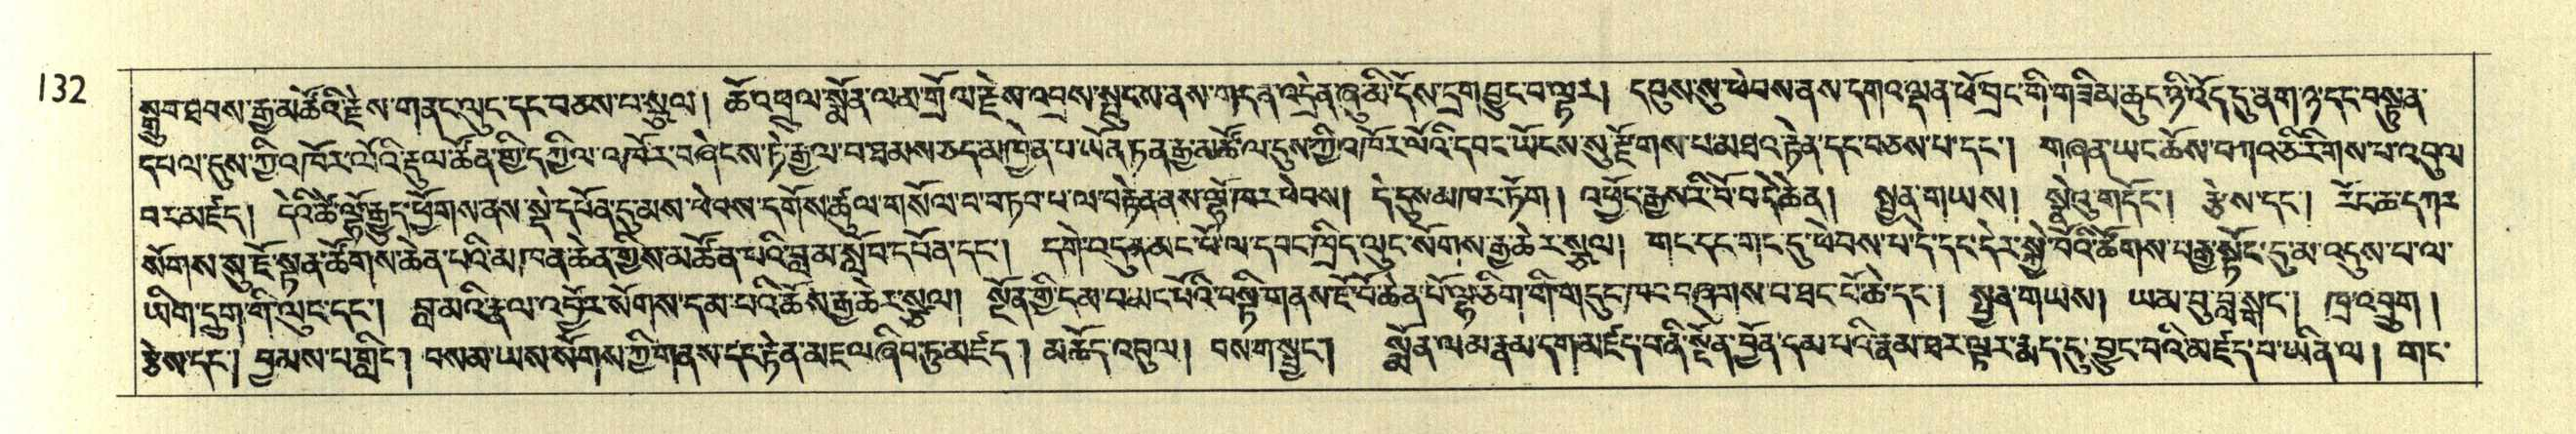སྒྲུབ་ཐབས་རྒྱ་མཚོའི་རྗེས་གནང་ལུང་དང་བཅས་པ་སྩལ། ཆོ་འཕྲུལ་སྨོན་ལམ་གྲོལ་རྗེས་འབྲས་སྤུངས་ནས་གདན་འདྲེན་ཞུ་མི་དོས་དྲག་བྱུང་བ་ལྟར། དབུས་སུ་ཕེབས་ནས་དགའ་ལྡན་ཕོ་བྲང་གི་གཟིམ་ཆུང་ཉི་འོད་དུ་ནག་ཉ་དང་བསྟུན་
དཔལ་དུས་ཀྱི་འཁོར་ལོའི་རྡུལ་ཚོན་གྱི་དཀྱིལ་འཁོར་བཞེངས་ཏེ་རྒྱལ་བ་ཐམས་ཅད་མཁྱེན་པ་ཡོན་ཏན་རྒྱ་མཚོ་ལ་དུས་ཀྱི་འཁོར་ལོའི་དབང་ཡོངས་སུ་རྫོགས་པ་མཐའ་རྟེན་དང་བཅས་པ་དང་། གཞན་ཡང་ཆོས་བཀའ་ཅི་རིགས་པ་འབུལ་
བར་མཛད། དེའི་ཚེ་ལྷོ་རྒྱུད་ཕྱོགས་ནས་སྡེ་དཔོན་དུ་མས་ཕེབས་དགོས་ཚུལ་གསོལ་བ་བཏབ་པ་ལ་བརྟེན་ནས་ལྷོ་ཁར་ཕེབས། དེ་དུས་མཁར་ཏོག། འཕྱོད་རྒྱས་རི་བོ་བདེ་ཆེན། སྤྱན་གཡས། སྣེའུ་གདོང་། རྩེས་དང་། རོང་ཆ་དཀར་
སོགས་སུ་ཇོ་སྟན་ཚོགས་ཆེན་པའི་མཁན་ཆེན་གྱིས་མཚོན་པའི་བླ་མ་སློབ་དཔོན་དང་། དགེ་འདུན་མང་པོ་ལ་དབང་ཁྲིད་ལུང་སོགས་རྒྱ་ཆེར་སྩལ། གང་དང་གང་དུ་ཕེབས་པ་དེ་དང་དེར་སྐྱེ་བོའི་ཚོགས་བརྒྱ་སྟོང་དུ་མ་འདུས་པ་ལ་
ཡིག་དྲུག་གི་ལུང་དང་། བླ་མའི་རྣལ་འབྱོར་སོགས་དམ་པའི་ཆོས་རྒྱ་ཆེར་སྩལ། སྔོན་གྱི་དམ་བ་མང་པོའི་བསྟི་གནས་ཇོ་བོ་ཆེན་པོ་ལྷ་ཅིག་གི་གདུང་ཁང་བཞུགས་པ་ཐང་པོ་ཆེ་དང་། སྤྱན་གཡས། ཡམ་བུ་བླ་སྒང་། ཁྲ་འབྲུག།
རྩེས་དང་། བྱམས་པ་གླིང་། བསམ་ཡས་སོགས་ཀྱི་གནས་དང་རྟེན་མཇལ་ཞིབ་ཏུ་མཛད། མཆོད་འབུལ། བསག་སྦྱང་། སྨོན་ལམ་རྣམ་དག་མཛད་བ་ནི་སྔོན་བྱོན་དམ་པའི་རྣམ་ཐར་ལྟར་རྨད་དུ་བྱུང་བའི་མཛད་པ་ཡིན་ལ། གང་